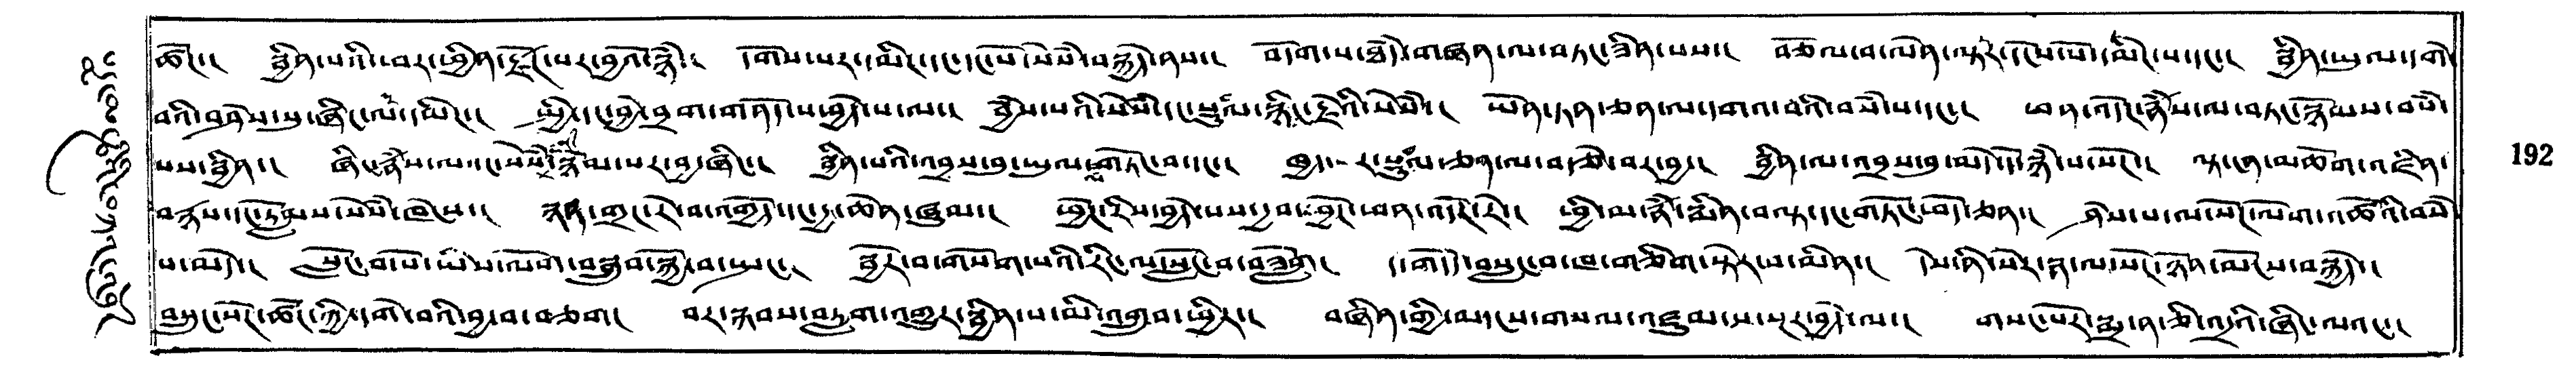ཚོགས། །སྦྱིན་པའི་ཕར་ཕྱིན་རྫོགས་པར་བྱའོ་སྙམ། །དགོས་པར་དམིགས་དང་དང་པོར་སེམས་བསྐྱེད་ནས། །བདོག་པ་ཐམས་ཅད་གཞན་ལ་བཏང་ཟིན་པས། །བཅོལ་བ་ལེན་ལྟར་དངོས་པོ་དམིགས་པ་དང་། །སྦྱིན་ཡུལ་དགེ་
བའི་བཤེས་སུ་ཞིང་ལ་དམིགས། །སྤྱི་དང་བྱེ་བྲག་གནོད་པ་ཕྱེད་པ་ལ། །བྱམས་པའི་སེམས་དང་སྡུག་བསྔལ་སྙིང་རྗེའི་སེམས། །ཡོན་ཏན་ཅན་ལ་དགའ་བའི་བསམ་པ་དང་། །ཕན་འདོགས་རྣམས་ལ་བཏང་སྙོམས་བསམ་
པས་སྦྱིན། །ཞིང་རྣམས་ལའང་སེམས་ནི་སྙོམ་བྱ་ཞིང་། །སྦྱིན་པའི་འབྲས་བུ་ཡུལ་ལ་གཏོང་བ་དང་། །ཁྱད་པར་སྡུག་བསྔལ་ཅན་ལ་བརྩེ་བར་བྱ། །སྦྱིན་ལ་འབྲས་བུ་མེད་དོ་སྙམ་པ་སོགས། །ལྟ་ངན་མཆོག་འཛིན་
བརྙས་དང་རློམ་སེམས་ཁེངས། །སྙན་གྲགས་རེ་བ་འགྱོད་དང་རྒྱ་ཆེན་ཞུམ། །ཕྱོགས་རིས་བྱེད་པས་རྒྱབ་ཕྱོགས་ཕན་འདོགས་རེ། །ཕྱི་མ་རྣམ་སྨིན་བལྟ་དང་གཏོང་ཕོད་ཅན། །ཤེས་པ་ལ་སོགས་ལོག་འཚོའི་བསམ་
པ་མེད། །སློང་བ་པོ་ཡིས་ལོག་བསྒྲུབ་སྐྱོ་བ་སྤང་། །སྦྱོར་བ་གསོག་པའི་རིང་ལ་སློང་བ་བཟློག །ད་གདོད་བསླང་བ་ཁ་གཅིག་སྟེར་བ་མིན། །དེས་ནི་སེར་སྣ་ལ་སོགས་ཉོན་མོངས་བསྐྱེད། །
བསྲུང་སོགས་ཚོགས་ཀྱི་དགེ་བའི་བྱ་བ་བཅག །བར་སྐབས་བརླག་འགྱུར་སྦྱིན་པ་མི་འགྲུབ་ཕྱིར། །བཞིན་གྱི་མདངས་གསལ་འཛུམ་པ་སྔར་བྱེད་ལ། །གསོང་པོར་སྨྲ་ན་ཅི་འདྲའི་ཞིང་ལའང་། །